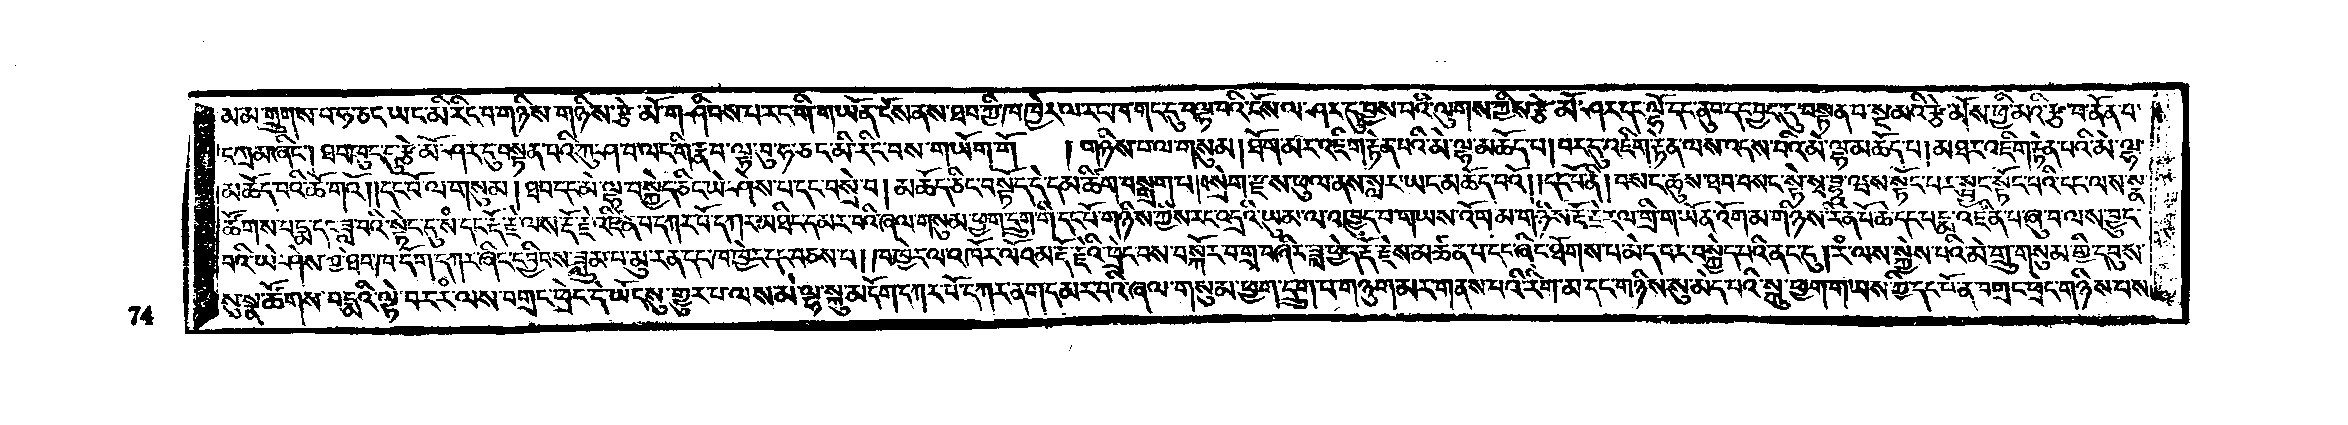མ་མ་གྲུགས་པ་ཧ་ཅང་ཡང་མི་རིང་བ་གཉིས་གཉིས་རྩེ་མོ་གཤིབས་པ་རང་གི་གཡོན་ངོས་ནས་ཐབ་ཀྱི་ཁ་ཁྱེར་ལ་རང་ཁ་གང་དུ་བལྟ་བའི་ངོས་ལ་ཤར་དུ་བྱས་པའི་ལུགས་ཀྱིས་རྩེ་མོ་ཤར་དང་ལྷོ་དང་ནུབ་དང་བྱང་དུ་བསྟན་པ་སྔ་མའི་རྩེ་མོས་ཕྱི་མའི་རྩ་བ་ནོན་པ་
དཀྲམ་ཞིང་། ཐབ་ཁུང་དུ་རྩེ་མོ་ཤར་དུ་བསྟན་པའི་ཀུ་ཤ་བ་ལང་གི་རྣ་བ་ལྟ་བུ་ཧ་ཅང་མི་རིང་བས་གཡོག་གོ །གཉིས་པ་ལ་གསུམ། ཐོག་མར་འཇིག་རྟེན་པའི་མེ་ལྷ་མཆོད་པ། བར་དུ་འཇིག་རྟེན་ལས་འདས་པའི་མེ་ལྷ་མཆོད་པ། མཐར་འཇིག་རྟེན་པའི་མེ་ལྷ་
མཆོད་པའི་ཆོ་གའོ། །དང་པོ་ལ་གསུམ། ཐབ་དང་མེ་ལྷ་བསྐྱེད་ཅིང་ཡེ་ཤེས་པ་དང་བསྲེ་བ། མཆོད་ཅིང་བསྟོད་དེ་དམ་ཚིག་བསྒྲག་པ། བསྲེག་རྫས་ཕུལ་ནས་སླར་ཡང་མཆོད་པའོ། །དང་པོ་ནི། བསང་ཆུས་ཐབ་བསང་སྟེ་སྭ་བྷཱ་ཝས་སྟོང་པར་སྦྱང་སྟོང་པའི་ངང་ལས་སྣ་
ཚོགས་པདམ་དང་ཟླ་བའི་སྟེང་དུ་སཾ་དང་རྡོ་རྗེ་ལས་རྡོ་རྗེ་འཛིན་པ་དཀར་པོ་དཀར་མཐིང་དམར་བའི་ཞལ་གསུམ་ཕྱག་དྲུག་གི་དང་པོ་གཉིས་ཀྱིས་རང་འདྲའི་ཡུམ་ལ་འཁྱུད་པ་གཡས་འོག་མ་གཉིས་རྡོ་རྗེ་རལ་གྲི་གཡོན་འོག་མ་གཉིས་རིན་པོ་ཆེ་དང་པདམ་འཛིན་པ་ཞུ་བ་ལས་བྱུང་
བའི་ཡེ་ཤེས་ཀྱི་ཐབ་ཁ་དོག་དཀར་ཞིང་དབྱིབས་ཟླུམ་པ་མུ་རན་དང་ཁ་ཁྱེར་དང་བཅས་པ། ཁ་ཁྱེར་ལ་འཁོར་ལོའམ་རྡོ་རྗེའི་ཕྲེང་བས་བསྐོར་བ་གྲྭ་བཞིར་ཟླ་ཕྱེད་རྡོ་རྗེ་མཚན་པ་དང་ཞིང་ཐོགས་པ་མེད་པར་བསྐྱེད་པའི་ནང་དུ། རཾ་ལས་སྐྱེས་པའི་མེ་གྲུ་གསུམ་གྱི་དབུས་
སུ་སྣ་ཚོགས་པདམའི་ལྟེ་བར་རཾ་ལས་བགྲང་ཕྲེང་དེ་ཡོངས་སུ་གྱུར་པ་ལས་མེ་ལྷ་སྐུ་མདོག་དཀར་པོ་དཀར་ནག་དམར་བའི་ཞལ་གསུམ་ཕྱག་དྲུག་པ་གཉུག་མར་གནས་པའི་རིག་མ་དང་གཉིས་སུ་མེད་པའི་སྐུ་ཕྱག་གཡས་ཀྱི་དང་པོ་ན་བགྲང་ཕྲེང་གཉིས་པས་